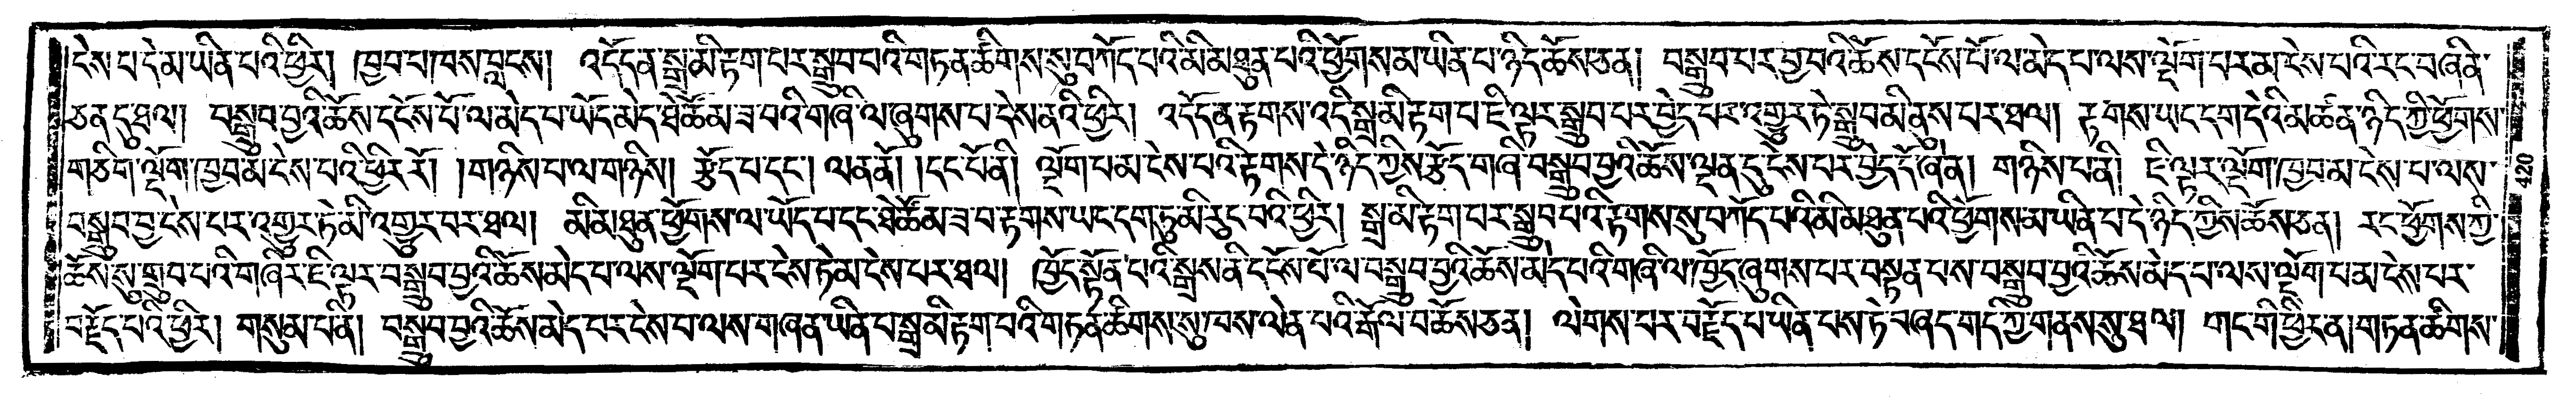ངེས་པ་དེ་མ་ཡིན་པའི་ཕྱིར། ཁྱབ་པ་ཁས་བླངས། འདོད་ན་སྒྲ་མི་རྟག་པར་སྒྲུབ་པའི་གཏན་ཚིགས་སུ་བཀོད་པའི་མི་མཐུན་པའི་ཕྱོགས་མ་ཡིན་པ་ཉིད་ཆོས་ཅན། བསྒྲུབ་པར་བྱ་བའི་ཆོས་དངོས་པོ་ལ་མེད་པ་ལས་ལྡོག་པར་མ་ངེས་པའི་རང་བཞིན་
ཅན་དུ་ཐལ། བསྒྲུབ་བྱའི་ཆོས་དངོས་པོ་ལ་མེད་པ་ཡོད་མེད་ཐེ་ཚོམ་ཟ་བའི་གཞི་ལ་ཞུགས་པ་དེས་ནའི་ཕྱིར། འདོད་ན་རྟགས་འདི་སྒྲ་མི་རྟག་པ་ཇི་ལྟར་སྒྲུབ་པར་བྱེད་པར་འགྱུར་ཏེ་སྒྲུབ་མི་ནུས་པར་ཐལ། རྟགས་ཡང་དག་དེའི་མཚན་ཉིད་ཀྱི་ཕྱོགས་
གཅིག་ལྡོག་ཁྱབ་མ་ངེས་པའི་ཕྱིར་རོ། །གཉིས་པ་ལ་གཉིས། རྩོད་པ་དང་། ལན་ནོ། །དང་པོ་ནི། ལྡོག་པ་མ་ངེས་པའི་རྟགས་དེ་ཉིད་ཀྱིས་རྩོད་གཞི་བསྒྲུབ་བྱའི་ཆོས་ལྡན་དུ་ངེས་པར་བྱེད་དོ་ཞེ་ན། གཉིས་པ་ནི། ཇི་ལྟར་ལྡོག་ཁྱབ་མ་ངེས་པ་ལས་
བསྒྲུབ་བྱ་ངེས་པར་འགྱུར་ཏེ་མི་འགྱུར་བར་ཐལ། མི་མཐུན་ཕྱོགས་ལ་ཡོད་པ་དང་ཐེ་ཚོམ་ཟ་བ་རྟགས་ཡང་དག་ཏུ་མི་རུང་བའི་ཕྱིར། སྒྲ་མི་རྟག་པར་སྒྲུབ་པའི་རྟགས་སུ་བཀོད་པའི་མི་མཐུན་པའི་ཕྱོགས་མ་ཡིན་པ་དེ་ཉིད་ཀྱིས་ཆོས་ཅན། རང་ཕྱོགས་ཀྱི་
ཆོས་སུ་གྲུབ་པའི་གཞིར་ཇི་ལྟར་བསྒྲུབ་བྱའི་ཆོས་མེད་པ་ལས་ལྡོག་པར་ངེས་ཏེ་མ་ངེས་པར་ཐལ། ཁྱོད་སྟོན་པའི་སྒྲས་ནི་དངོས་པོ་ལ་བསྒྲུབ་བྱའི་ཆོས་མེད་པའི་གཞི་ལ་ཁྱོད་ཞུགས་པར་བསྟན་པས་བསྒྲུབ་བྱའི་ཆོས་མེད་པ་ལས་ལྡོག་པ་མ་ངེས་པར་
བརྗོད་པའི་ཕྱིར། གསུམ་པ་ནི། བསྒྲུབ་བྱའི་ཆོས་མེད་པར་ངེས་པ་ལས་གཞན་ཡིན་པ་སྒྲ་མི་རྟག་བའི་གཏན་ཚིགས་སུ་ཁས་ལེན་པའི་རྒོལ་བ་ཆོས་ཅན། ལེགས་པར་བརྗོད་པ་ཡིན་པས་ཏེ་བཞད་གད་ཀྱི་གནས་སུ་ཐལ། གང་གི་ཕྱིར་ན། གཏན་ཚིགས་